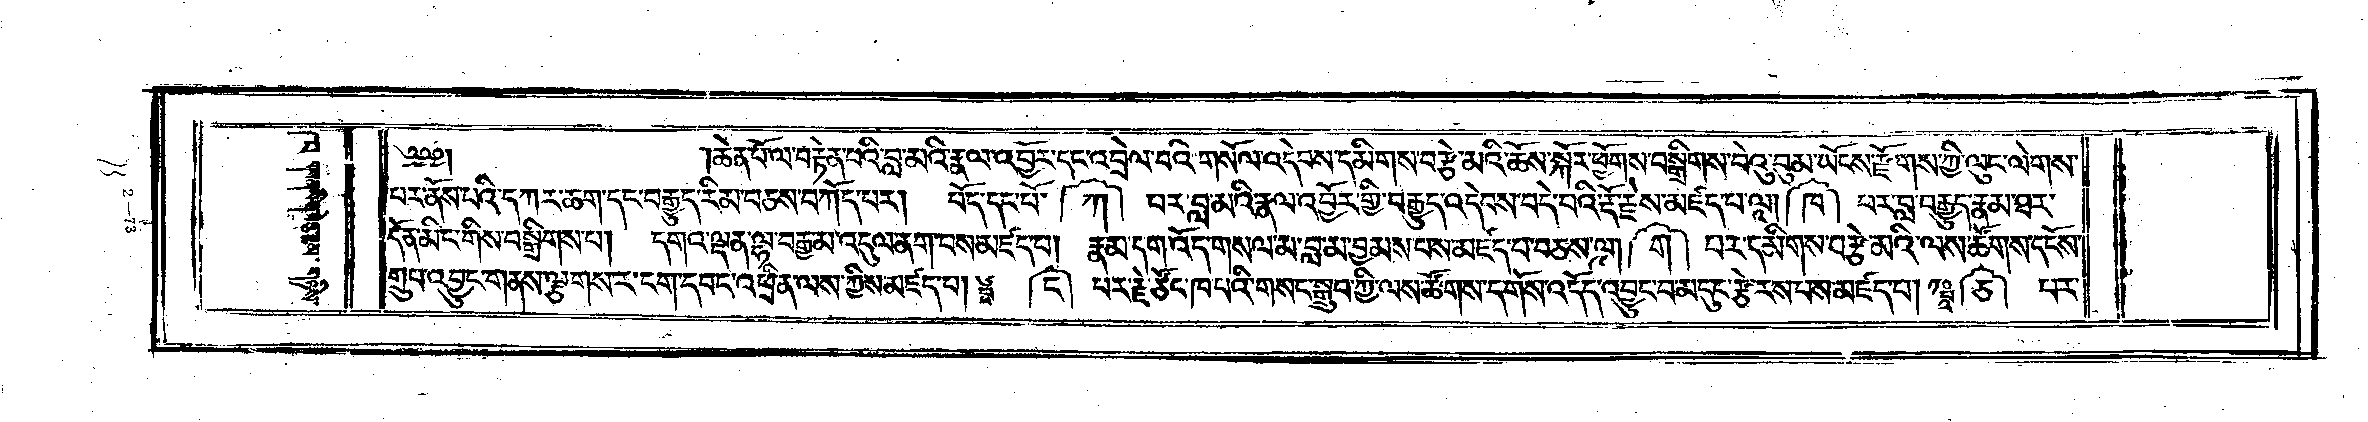༄༅། །ཆེན་པོ་ལ་བརྟེན་པའི་བླ་མའི་རྣལ་འབྱོར་དང་འབྲེལ་བའི་གསོལ་འདེབས་དམིགས་བརྩེ་མའི་ཆོས་སྐོར་ཕྱོགས་བསྒྲིགས་བེའུ་བུམ་ཡོངས་རྫོགས་ཀྱི་ལུང་ལེགས་
པར་ནོས་པའི་དཀར་ཆག་དང་བརྒྱུད་རིམ་བཅས་བཀོད་པར། བོད་དང་པོ ༼ཀ༽ བར་བླ་མའི་རྣལ་འབྱོར་གྱི་བརྒྱུད་འདེབས་བདེ་པའི་རྡོ་རྗེས་མཛད་པ་ལཱ། ཁ྄་པར་བླ་བརྒྱུད་རྣམ་ཐར་
དོན་མིང་གིས་བསྒྲིགས་པ། དགའ་ལྡན་ལྷ་བརྒྱ་མ་འདུལ་ནག་བས་མཛད་པ། རྣམ་དག་འོད་གསལ་མ་བླ་མ་བྱམས་པས་མཛད་པ་བཅས་ལ། ༼ག༽ པར་དམིགས་བརྩེ་མའི་ལས་ཚོགས་དངོས་
གྲུབ་འབྱུང་གནས་ལྕགས་ར་ངག་དབང་འཕྲིན་ལས་ཀྱིས་མཛད་པ། ༦བ༥ ༼ང༽ པར་རྗེ་ཙོང་ཁ་པའི་གསང་སྒྲུབ་ཀྱི་ལས་ཚོགས་དགོས་འདོད་འབྱུང་བ་མདུང་རྩེ་རས་པས་མཛད་པ། ༡༠བ༢ ༼ཅ༽ པར་